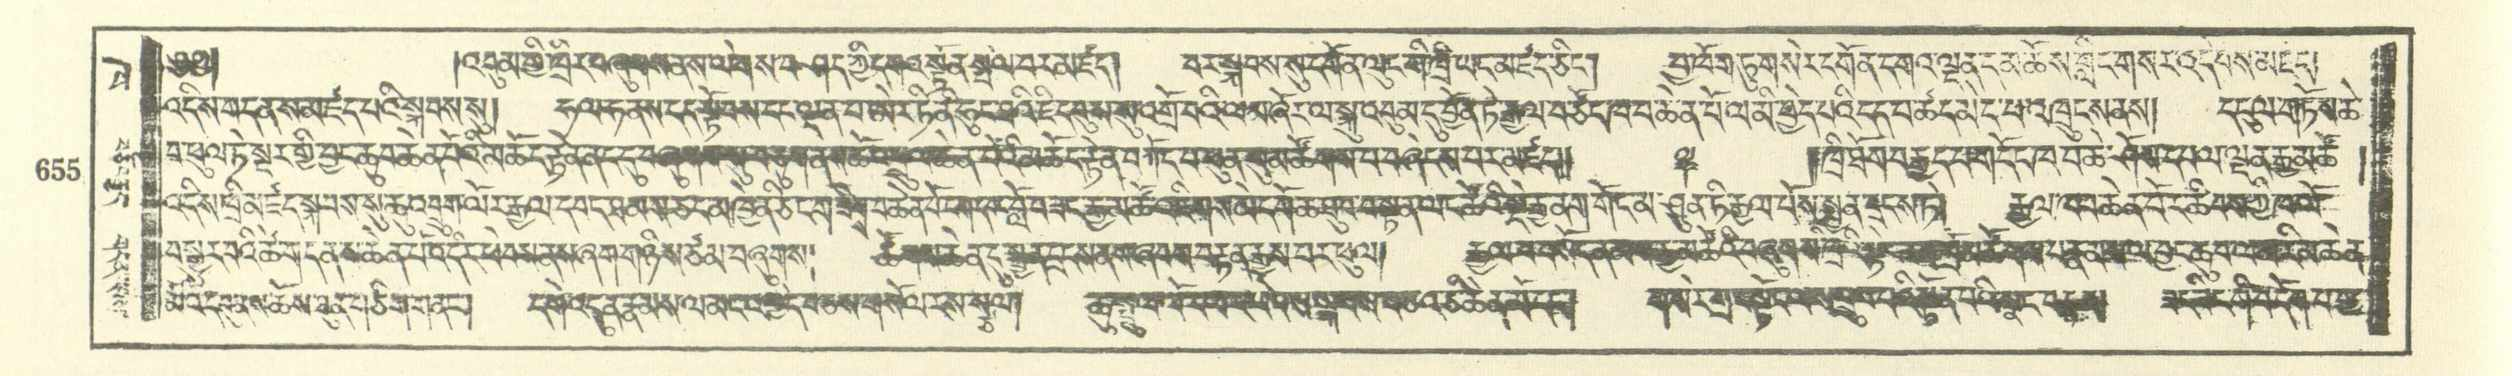༄༅། །འབུམ་གྱི་ཁྲིར་བཞུགས་ནས་ལེགས་བཤད་ཀྱི་དགའ་སྟོན་སྤེལ་བར་མཛད། བར་སྐབས་སུ་དགོན་ལུང་གི་ཁྲི་ཡང་མཛད་ཅིང་། བྱ་ཁོག་ཏུ་གསེར་དགོན་དགའ་ལྡན་དམ་ཆོས་གླིང་གསར་འདེབས་མཛད།
འདིས་གདན་ས་མཛད་པའི་སྐབས་སུ། ཧལ་ཧ་ནས་དད་སྟོབས་དང་ལྡན་པ་ཨེར་ཏི་ནི་ཧུང་ཐའི་ཇི་དབུས་སུ་འགྲོ་བའི་ལམ་ཞོར་ལ་སྐུ་འབུམ་དུ་བྱོན་ཏེ་རྒྱལ་བ་ཙོང་ཁ་བ་ཆེན་པོ་ལ་མི་བྱེད་པའི་དད་པ་ཚད་མེད་པ་འཁྲུངས་ནས། དངུལ་གཏོས་ཆེ་
བ་ཕུལ་ཏེ་སྔར་གྱི་བྱང་ཆུབ་ཆེན་པོའི་མཆོད་རྟེན་ནང་དུ་བཞུགས་སུ་བཅུག་ནས་ཆོ་འཕྲུལ་ཆེན་པོའི་མཆོད་རྟེན་བཀོད་པ་ཕུན་སུམ་ཚོགས་པ་བཞེངས་པར་མཛད།། ༈ །།ཁྲི་ཐོག་བརྒྱད་པ་གདོང་ཁ་པ་ཆེ་ཤོས་དཔལ་ལྡན་རྒྱ་མཚོ་།
འདིས་ཁྲི་མཛད་སྐབས་སུ་ཆུ་འབྲུག་ལོར་རྒྱལ་དབང་ཐམས་ཅད་མཁྱེན་ཅིང་གཟིགས་པ་ཆེན་པོ་ངག་དབང་བློ་བཟང་རྒྱ་མཚོ་འཇིགས་མེད་གོ་ཆ་ཐུབ་བསྟན་ལང་ཚོའི་སྡེ་རྒྱ་ནག་གོང་མ་ཤུན་ཏི་རྒྱལ་པོས་སྤྱན་དྲངས་ཏེ། རྒྱལ་ཁབ་ཆེན་བོར་ཆིབས་ཀྱི་ཁ་ལོ་
བསྒྱུར་བའི་ཚེ་གདན་ས་ཆེན་པོ་འདིར་ཕེབས་ནས་ཞག་གཉིས་ཙམ་བཞུགས། ཚོགས་ཆེན་དུ་སྤྱན་དྲངས་ནས་ཞབས་བརྟན་རྒྱས་པར་ཕུལ། རྒྱལ་བ་བསོད་ནམས་རྒྱ་མཚོའི་བཞུགས་ཁྲིའི་སྟེང་ནས་ཁྲོམ་ཚོགས་པ་རྣམས་ལ་བྱང་ཆུབ་ལམ་རིམ་ཆེན་
མོའི་དབུ་ནས་ཆོས་ཐུན་གཅིག་གནང་། དགེ་འདུན་རྣམས་ལ་མང་འགྱེད་བཅས་གསོལ་རས་སྩལ། ཆུ་སྤྲུལ་ལོར་ཡར་ཕེབས་སྐབས་བཅའ་ཅི་ཆེན་མོ་དང་། གསེར་སྲང་སྟོང་ལས་གྲུབ་པའི་སྟོན་པའི་སྣང་བརྙན། ཟང་ཟིང་གི་བདོག་པ་གྱ་